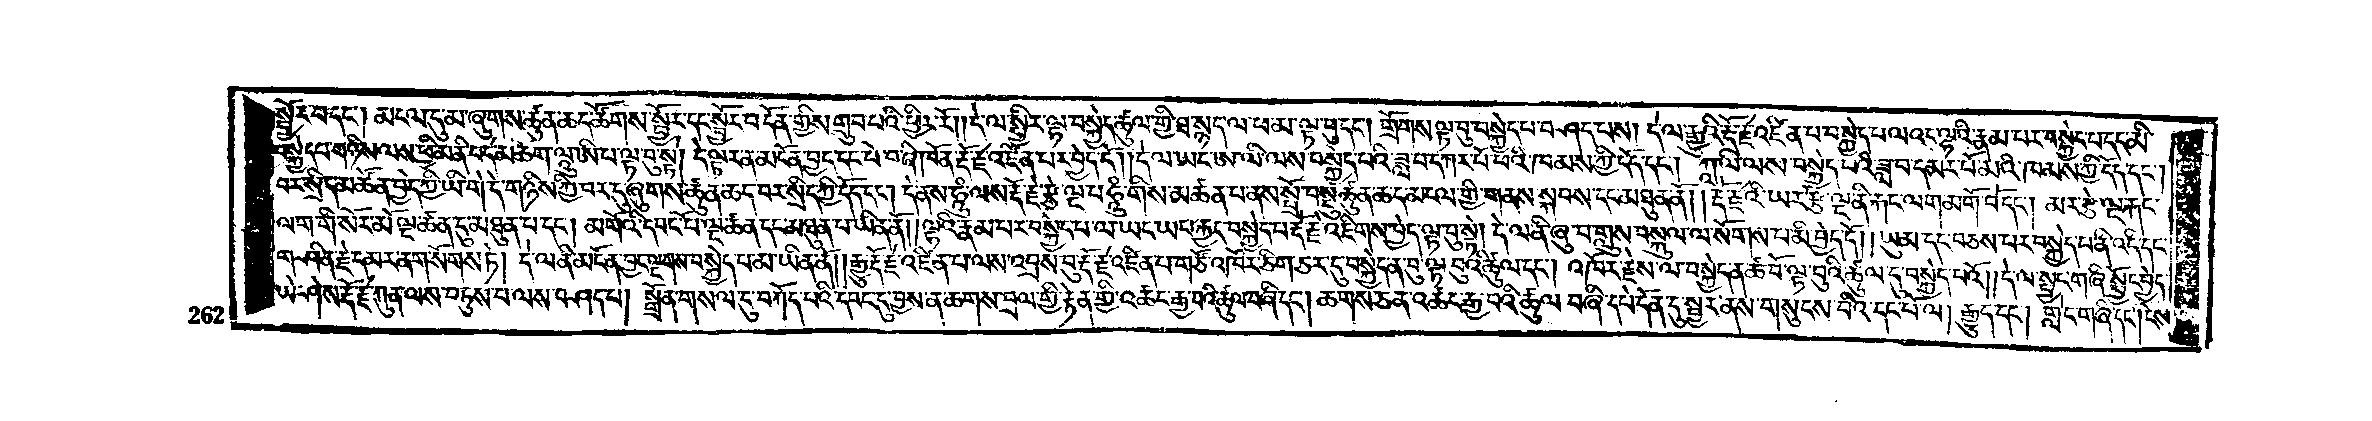སྦྱོར་བ་དང་། མངལ་དུ་མ་ཞུགས་ཚུན་ཆད་ཚོགས་སྦྱོར་དང་སྦྱོར་བ་དོན་གྱིས་གྲུབ་པའི་ཕྱིར་རོ། །དེ་ལ་སྤྱིར་ལྟ་བསྐྱེད་ཚུལ་གྱི་ཐ་སྙད་ལ་ཕ་མ་ལྟ་བུ་དང་། གྲོགས་ལྟ་བུ་བསྐྱེད་པ་བཤད་པས། དེ་ལ་རྒྱུའི་རྡོ་རྗེ་འཛིན་པ་བསྐྱེད་པ་ལའང་ལྷའི་རྣམ་པར་བསྐྱེད་པ་དང་མི་
བསྐྱེད་པ་གཉིས་ལས་ཕྱི་མ་ནི་བདེ་མཆོག་ལཱུ་ཨི་པ་ལྟ་བུ་སྟེ། དེ་ལྟར་ན་མངོན་བྱང་དང་པོ་བཞི་ཁོ་ན་རྡོ་རྗེ་འཛིན་པར་བྱེད་དོ། །དེ་ལ་ཡང་ཨ་ལི་ལས་བསྐྱེད་པའི་ཟླ་བ་དཀར་པོ་པའི་ཁམས་ཀྱི་དོན་དང་། ཀཱ་ལི་ལས་བསྐྱེད་པའི་ཟླ་བ་དམར་པོ་མའི་ཁམས་ཀྱི་དོད་དང་།
བར་སྲིད་མཚོན་བྱེད་ཀྱི་ཡི་གེ་དེ་གཉིས་ཀྱི་བར་དུ་ཞུགས་ཚུན་ཆད་པར་སྲིད་ཀྱི་དོད་དང་། དེ་ནས་ཧཱུཾ་ལས་རྡོ་རྗེ་རྩེ་ལྔ་པ་ཧཱུཾ་གྱིས་མཚན་པ་ནས་སྤྲོ་བསྡུ་ཚུན་ཆད་མངལ་གྱི་གནས་སྐབས་དང་མཐུན་ནོ། །རྡོ་རྗེའི་ཡར་རྩ་ལྔ་ནི་རྐང་ལག་མགོ་བོ་དང་། མར་རྩེ་ལྔ་རྐང་
ལག་གི་སོར་མོ་ལྔ་ཚན་དུ་མཐུན་པ་དང་། མགོའི་དབང་པོ་ལྔ་ཚན་དང་མཐུན་པ་ཡིན་ནོ། །ལྷའི་རྣམ་པར་བསྐྱེད་པ་ལ་ཡང་ཡང་རྐྱང་བསྐྱེད་པ་རྡོ་རྗེ་འཇིགས་བྱེད་ལྟ་བུ་སྟེ། དེ་ལ་ནི་ཞུ་བ་གླུས་བསྐུལ་ལ་སོགས་པ་མི་བྱེད་དོ། །ཡུམ་དང་བཅས་པར་བསྐྱེད་པ་ནི་འདི་དང་
གཤིན་རྗེ་དམར་ནག་སོགས་ཏེ། དེ་ལ་ནི་མངོན་བྱང་ལྔགས་བསྐྱེད་པ་མ་ཡིན་ནོ། །རྒྱུ་རྡོ་རྗེ་འཛིན་པ་ལས་འབྲས་བུ་རྡོ་རྗེ་འཛིན་པ་གཙོ་འཁོར་ཅིག་ཅར་དུ་བསྐྱེད་ན་བུ་ལྟ་བུའི་ཚུལ་དང་། འཁོར་རྗེས་ལ་བསྐྱེད་ན་ཚ་བོ་ལྟ་བུའི་ཚུལ་དུ་བསྐྱེད་པའོ། །དེ་ལ་སྤྱང་གཞི་སྦྱོང་བྱེད་
ཡེ་ཤེས་རྡོ་རྗེ་ཀུན་ལས་བཏུས་པ་ལས་བཤད་པ། སྒྲོན་གསལ་དུ་བཀོད་པའི་དབང་དུ་བྱས་ན་ཆགས་བྲལ་གྱི་རྟེན་གྱི་འཚང་རྒྱ་བའི་ཚུལ་བཞི་དང་། ཆགས་ཅན་འཚང་རྒྱ་བའི་ཚུལ་བཞི་དཔེ་དོན་དུ་སྦྱར་ནས་གསུངས་པའི་དང་པོ་ལ། རྒྱུད་དང་། གླིང་གཞི་དང་། ངེས་